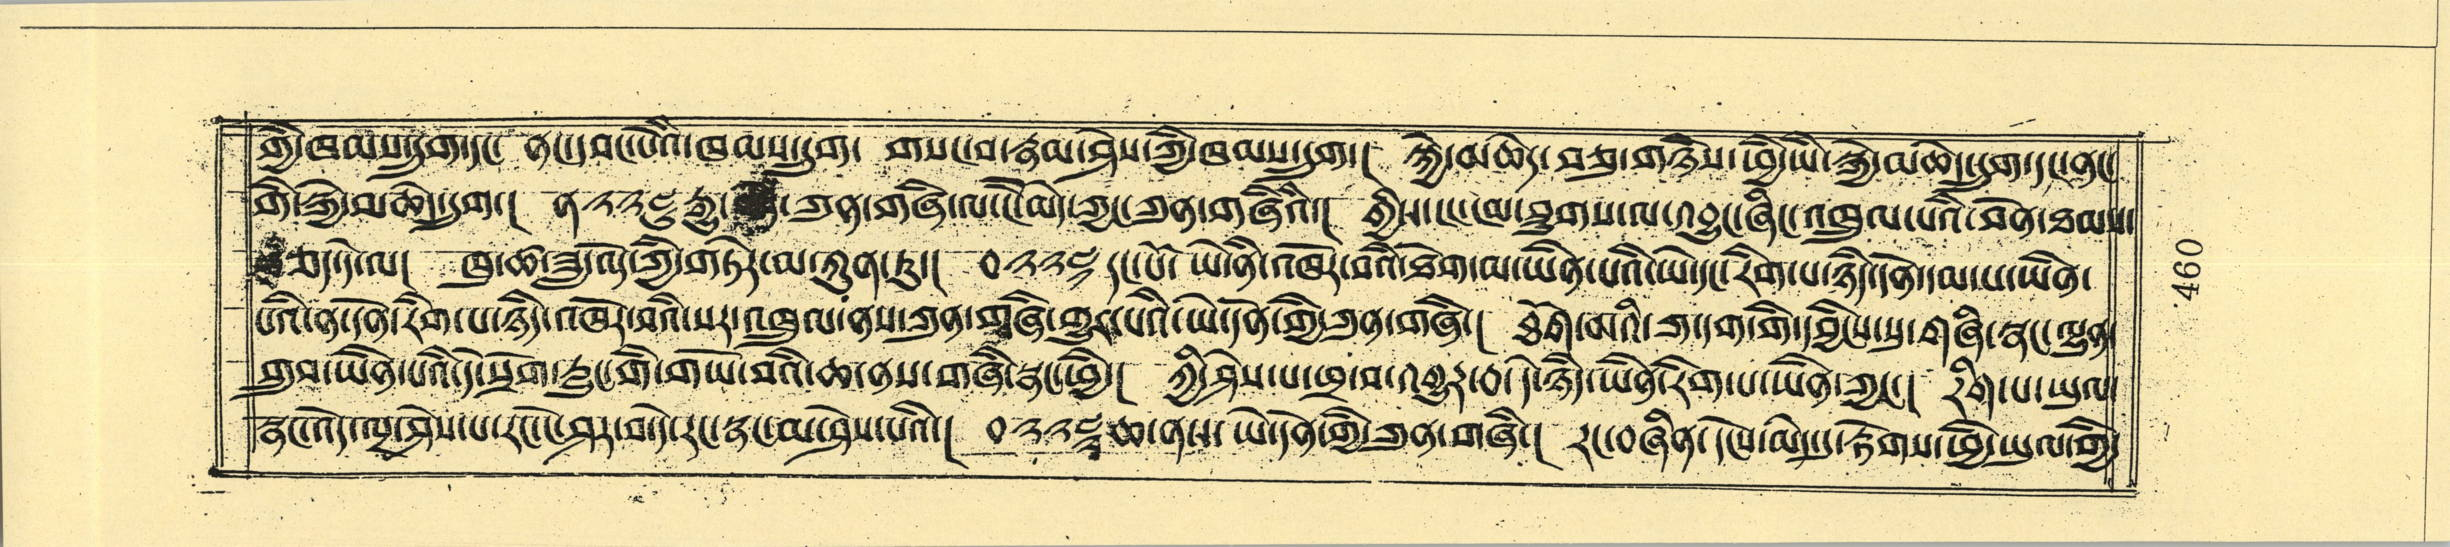གྱི་ཁམས་དྲུག ནང་དབང་པོའི་ཁམས་དྲུག གསང་བ་རྣམ་ཤེས་ཀྱི་ཁམས་དྲུག སྐྱེ་མཆེད་བཅུ་གཉིས་ཕྱིའི་སྐྱེ་མཆེད་དྲུག་དང་། ནང་
གི་སྐྱེ་མཆེད་དྲུག་ ན༢༢༤།༦༼རྒྱུ༽ཀུན་གཞི་ལ་ངོ་བོ་མེད་ཀྱང་ཀུན་གཞིའི་ གྱིས་ངང་ངམ་ཤུགས་ལ་འབྱུང་ཞིང་འཁྲུལ་པའི་བོན་ཐམས་
ཅད་དེ་ལ་ ཁུ་ཚ་ཟླ་འོད་ཀྱི་གཏེར་མ་ཀུན་ཏུ་ བ༢༢༤།༡༼དང་པོ༽ཡེ་ནས་འཁོར་བའི་ཐོག་མ་ཡིན་པས་ཡེ་དང་། རིག་པ་ཉིད་དོན་དམ་པ་ཡིན་པས་
ན་དོན་རིག་པ་ཉིད་འཁོར་བའི་སར་འཁྲུལ་ནས་ཀུན་གཞི་གྱུར་པའི་ཡེ་དོན་གྱི་ཀུན་གཞི་ ཐོག་མའི་ཀ་དག་གི་དབྱིངས་སུ་གཞི་སྣང་ལྷུན་
གྲུབ་ཡིན་པའི་དེ་སྲོག་རླུང་གིས་གཡོ་བའི་ཆ་ནས་གཞི་སྣང་ཕྱི་ ཀྱི་ཤེས་པ་ཕྲ་བར་འགྱུར་པ་དེ་ཉིད་ཡིན་རིག་པ་ཡིན་ཀྱང་ རིག་པ་ཡུལ་
སྣང་འོད་ལྔ་ཤེས་པ་རང་ངོ་ཤར་བ་དེ་རང་སྣང་མ་ཤེས་པའི་ བ༢༢༤།༢༼ཆ་ནས༽ཡེ་དོན་གྱི་ཀུན་གཞི་༼རང་བཞིན༽དངོས་མེད་དུ་རྟོགས་ཕྱི་ཡུལ་གྱི་